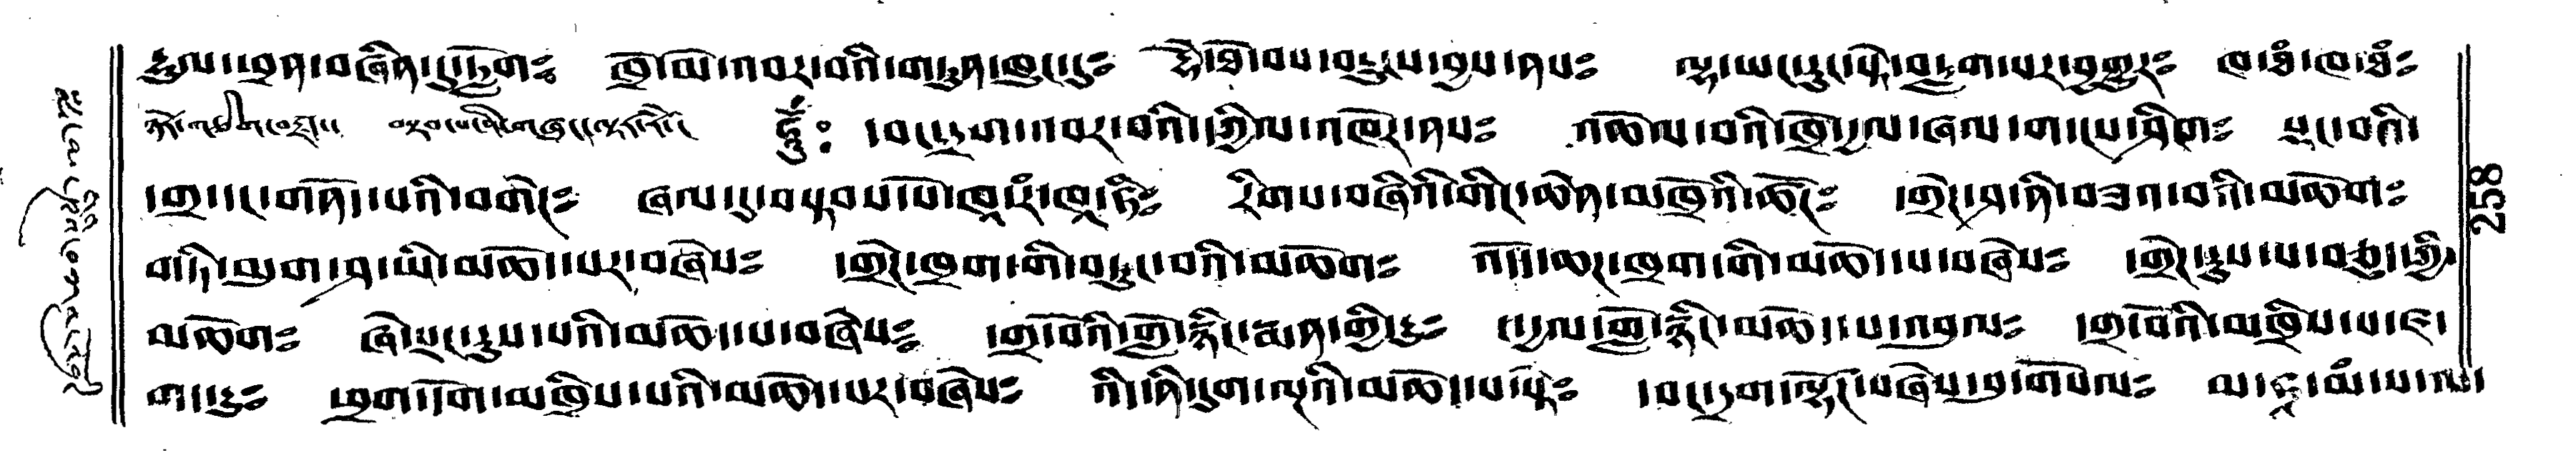རྡུལ་ཕྲན་བཞིན་དུ་རློགསཿ ཁྲོ་མོ་འབར་བའི་གཏུན་ཁུང་དུཿ རྡོ་རྗེ་ཐོ་བས་རྡུང་བྱས་ནསཿ ལྷ་ཡང་རུང་སྟེ་བརླག་པར་གྱུརཿ ཁ་ཐཾ་ཁ་ཐཾཿ 
ཉེར་གཅིག་བརྗོད་བསྟབ་པ་ནི་གཞུང་ལྟར་རམ། ཧཱུྃཿ དབང་དྲག་འབར་བའི་དཀྱིལ་འཁོར་ནསཿ འཆོལ་བའི་ཁྲོ་རྒྱལ་ཞལ་གདོངས་ཤིགཿ སྡང་བའི་
དགྲ་དང་གནོད་པའི་བགེགསཿ ཞལ་དུ་བསྟབས་སོ་ཁཱ་རཾ་ཁཱ་ཏིཿ རིགས་བཞིའི་གིང་ཆེན་མཁའ་འགྲོའི་ཚོགསཿ དགྲ་བགཻགས་ཤ་ནི་བཟའ་བའི་མཆོགཿ 
གཏི་མུག་ཤ་ཡི་མཆོད་པ་བཞེསཿ དགྲ་བགེགས་ཁྲག་གི་བཏུང་བའི་མཆོགཿ འདོད་ཆགས་ཁྲག་གི་མཆོད་པ་བཞེསཿ དགྲ་བགེགས་རུས་པ་བཅུད་ཀྱི་
མཆོགཿ ཞེ་སྡང་རུས་པའི་མཆོད་པ་བཞེསཿ དགྲ་བོའི་གློ་སྙིང་སྨན་གྱི་རྒྱུཿ ང་རྒྱལ་གློ་སྙིང་མཆོད་པ་འབུལཿ དགྲ་བོའི་མཁྲིས་པ་ཛ་
གད་རྒྱུཿ ཕྲག་དོག་མཁྲིས་པའི་མཆོད་པ་བཞེསཿ འདི་ནི་དུག་ལྔའི་མཆོད་པ་སྟེཿ དབང་དྲག་ལྷ་ཚོགས་བཞེས་སུ་གསོལཿ མ་ཧཱ་མཾ་ས་ལ་